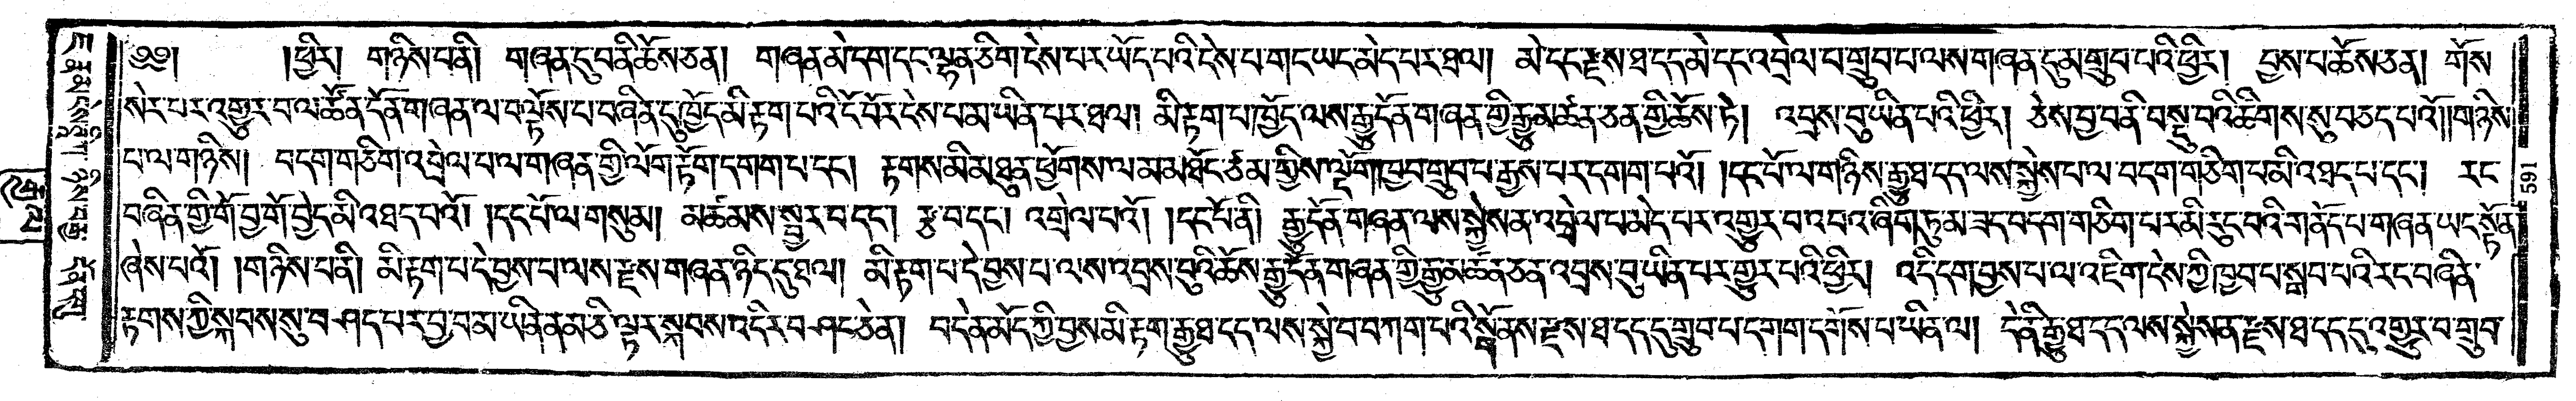༄༅། །ཕྱིར། གཉིས་པ་ནི། གཞན་དུ་བ་ནི་ཆོས་ཅན། གཞན་མེ་དག་དང་ལྷན་ཅིག་ངེས་པར་ཡོད་པའི་ངེས་པ་གང་ཡང་མེད་པར་ཐལ། མེ་དང་རྫས་ཐ་དད་མེ་དང་འབྲེལ་པ་གྲུབ་པ་ལས་གཞན་དུ་མ་གྲུབ་པའི་ཕྱིར། བྱས་པ་ཆོས་ཅན། གོས་
སེར་པར་འགྱུར་བ་ལ་ཚོན་དོན་གཞན་ལ་བལྟོས་པ་བཞིན་དུ་ཁྱོད་མི་རྟག་པའི་ངོ་བོར་ངེས་པ་མ་ཡིན་པར་ཐལ། མི་རྟག་པ་ཁྱོད་ལས་རྒྱུ་དོན་གཞན་གྱི་རྒྱུ་མཚན་ཅན་གྱི་ཆོས་ཏེ། འབྲས་བུ་ཡིན་པའི་ཕྱིར། ཅེས་བྱ་བ་ནི་བསྡུ་བའི་ཚིགས་སུ་བཅད་པའོ། །གཉིས་
པ་ལ་གཉིས། བདག་གཅིག་འབྲེལ་པ་ལ་གཞན་གྱི་ལོག་རྟོག་དགག་པ་དང་། རྟགས་མི་མཐུན་ཕྱོགས་ལ་མ་མཐོང་ཙམ་གྱིས་ལྡོག་ཁྱབ་གྲུབ་པ་རྒྱས་པར་དགག་པའོ། །དང་པོ་ལ་གཉིས་རྒྱུ་ཐ་དད་ལས་སྐྱེས་པ་ལ་བདག་གཅིག་པ་མི་འཐད་པ་དང་། རང་
བཞིན་གྱི་གོ་བྱ་གོ་བྱེད་མི་འཐད་པའོ། །དང་པོ་ལ་གསུམ། མཚམས་སྦྱར་བ་དང་། རྩ་བ་དང་། འགྲེལ་པའོ། །དང་པོ་ནི། རྒྱུ་དོན་གཞན་ལས་སྐྱེས་ན་འབྲེལ་པ་མེད་པར་འགྱུར་བ་འབའ་ཞིག་ཏུ་མ་ཟད་བདག་གཅིག་པར་མི་རུང་བའི་གནོད་པ་གཞན་ཡང་སྟོན་
ཞེས་པའོ། །གཉིས་པ་ནི། མི་རྟག་པ་དེ་བྱས་པ་ལས་རྫས་གཞན་ཉིད་དུ་ཐལ། མི་རྟག་པ་དེ་བྱས་པ་ལས་འབྲས་བུའི་ཆོས་རྒྱུ་དོན་གཞན་གྱི་རྒྱུ་མཚན་ཅན་འབྲས་བུ་ཡིན་པར་གྱུར་པའི་ཕྱིར། འདི་དག་བྱས་པ་ལ་འཇིག་ངེས་ཀྱི་ཁྱབ་པ་སྒབ་པའི་རང་བཞིན་རྟགས་
ཀྱི་སྐབས་སུ་བཤད་པར་བྱ་བ་མ་ཡིན་ནམ་ཅི་ལྟར་སྐབས་འདིར་བཤད་ཅེ་ན། བདེན་མོད་ཀྱི་བྱས་མི་རྟག་རྒྱུ་ཐ་དད་ལས་སྐྱེ་བ་བཀག་པའི་སྒོ་ནས་རྫས་ཐ་དད་དུ་གྲུབ་པ་དགག་དགོས་པ་ཡིན་ལ། དེ་ནི་རྒྱུ་ཐ་དད་ལས་སྐྱེས་ན་རྫས་ཐ་དད་དུ་འགྱུར་བ་གྲུབ་